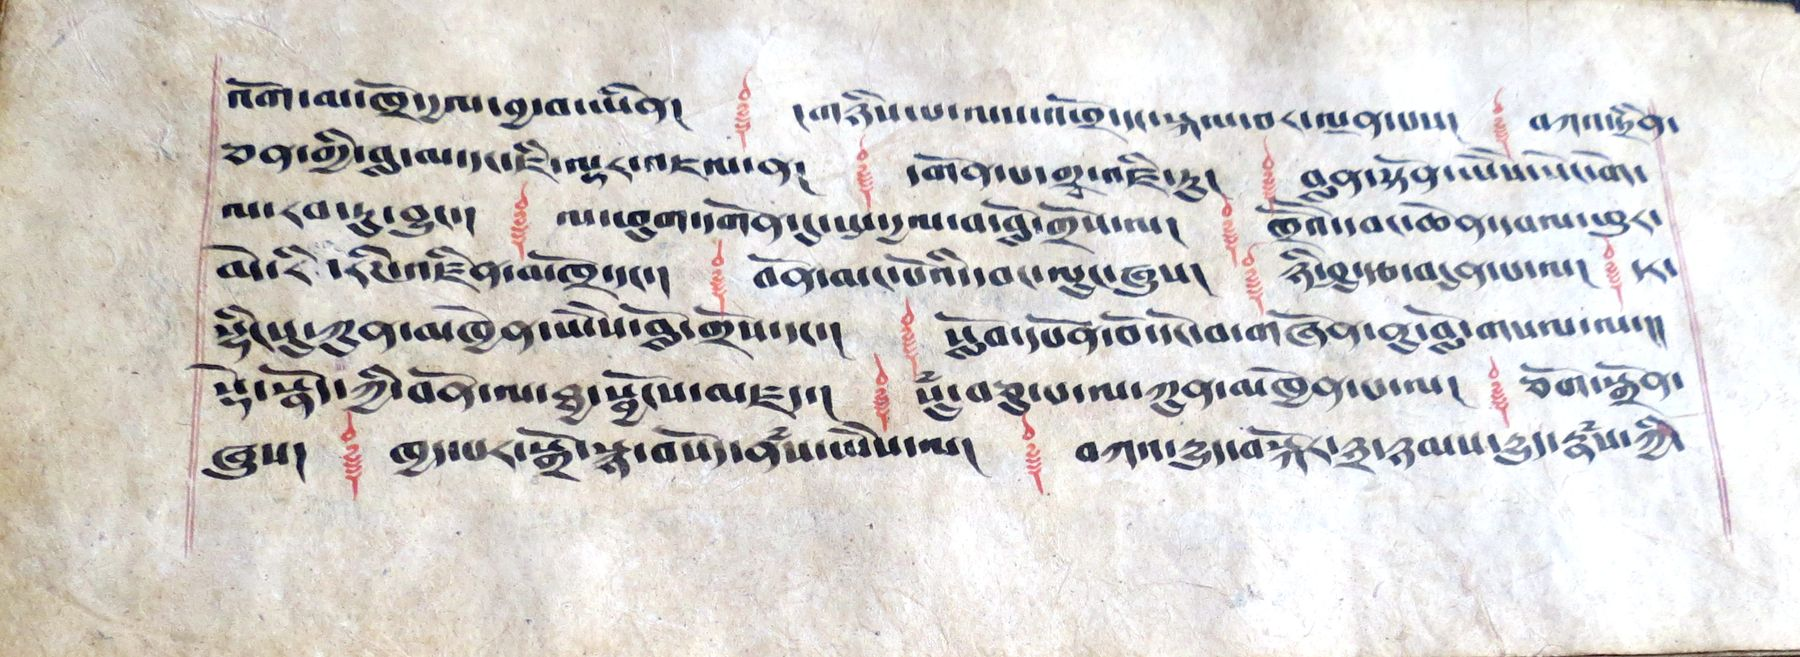འོག་མ་ཁྲོ་རྒྱལ་བྱ་བ་ཡིན། གཉིས་པ་ལས་འཕྲོ་དང་སྐལ་པར་ལྡན་པས། བཀའ་དྲིན་
ཅན་གྱི་བླ་མ་དང་ཅི་ལྟར་མཇལ་ན། དགོན་པ་གྲྭ་འཛིན་དུ། གླེན་སྟོན་ཡེ་ཤེས་སེང་གེ་
ལས་རབ་ཏུ་བྱུང་། ལ་ཕུག་དགོན་དུ་སྤ་རྒྱལ་བ་བློ་གྲོས་ལ། ཁྲོ་བོ་དབང་ཆེན་དབལ་ཕུར་
མེ་རི། རིག་འཛིན་མཁའ་འགྲོ་དང་། བོན་མང་པོའི་དབང་ལུང་ཞུས། ཉི་ཤུ་རྩ་བདུན་པ་ལ་དར་
ལྡིང་དུ་ཀུན་མཁྱེན་ཡེ་ཤེས་བློ་གྲོས་དང་། སློབ་དཔོན་བོ་དོང་པ་གཞོན་ནུ་བློ་གསལ་ལ། 
སྡེ་སྣོད་ཀྱི་བོན་ལ་ཐུགས་སྦྱོང་མཛད། སུམ་ཅུ་པ་ལ་ཀུན་མཁྱེན་པ་ལ་ཅོག་སྒྲོན་
ཞུས། ཁྱད་པར་སྒྲོ་སྙ་བསོད་ནམས་ཡེ་ཤེས་ལ། བཀའ་རྒྱུད་སྐོར་གསུམ་ཉམས་རྒྱུད་རྣམས་ཀྱི་